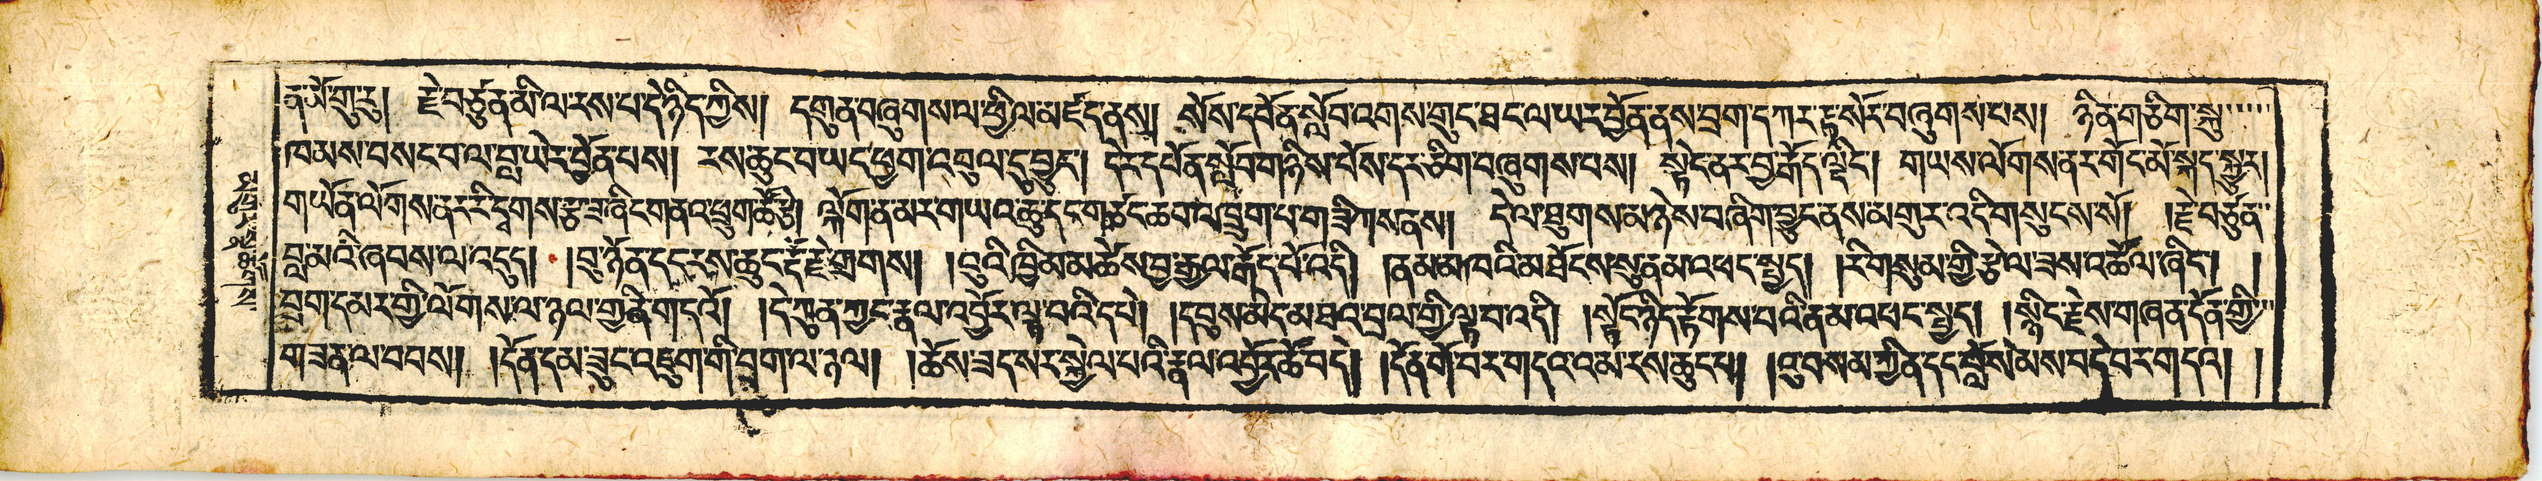ན་མོ་གུ་རུ། རྗེ་བཙུན་མི་ལ་རས་པ་དེ་ཉིད་ཀྱིས། དགུན་བཞུགས་ས་ཕྱི་ལ་མཛད་ནས། སོས་དཔོན་སློབ་འགས་གུང་ཐང་ལ་ཡར་བྱོན་ནས་བྲག་དཀར་རྟ་སོར་བཞུགས་པས། ཉིན་གཅིག་སྐུ་
ཁམས་བསང་བ་ལ་བླ་ཡེར་བྱོན་པས། རས་ཆུང་བ་ཡང་ཕྱག་འབུལ་དུ་བྱུང་། དེར་དཔོན་སློབ་གཉིས་པོས་དར་ཅིག་བཞུགས་པས། སྟེང་ན་བྱ་རྒོད་ལྡིང་། གཡས་ལོགས་ནར་གོང་མོ་སྐད་སྐྱུར། 
གཡོན་ལོགས་ནར་རི་དྭགས་རྩ་ཟ་ཞིང་གནའ་ཕྲུག་ཚོ་རྩེ། ལྐོག་ན་མར་གཡའ་ཆུ་དང་གཙང་ཆབ་འཁྲུག་པ་གཟིགས་ནས། དེ་ལ་ཐུགས་མཉེས་པ་ཞིག་བྱུང་ནས་མགུར་འདི་གསུངས་སོ། །རྗེ་བཙུན་
བླ་མའི་ཞབས་ལ་འདུད། །བུ་ཉོན་དང་རས་ཆུང་རྡོ་རྗེ་གྲགས། །བུའི་ཁྱིམ་མཚེས་བྱ་རྒྱལ་རྒོད་པོ་འདི །ནམ་མཁའི་མཐོངས་སུ་ནམ་འཕང་སྤྱད། །རི་གསུམ་གྱི་རྩེ་ལ་ཟས་འཚོལ་ཞིང་། །
བྲག་དམར་གྱི་ལོགས་ལ་ཉལ་གྱིན་གདའོ། །དེ་ཀུན་ཀྱང་རྣལ་འབྱོར་ལྟ་བའི་དཔེ། །དབུས་མེད་མཐའ་བྲལ་གྱི་ལྟ་བ་འདི། །སྟོང་ཉིད་རྟོགས་བའི་ནམ་འཕང་སྤྱད། །སྙིང་རྗེས་གཞན་དོན་གྱི་
གཟན་ལ་བབས། །དོན་དམ་ཟུང་འཇུག་གི་བྲག་ལ་ཉལ། །ཆོས་ཟད་སར་སྐྱེལ་པའི་རྣལ་འབྱོར་ཚོ་བདེ། །དོན་གོ་བར་གདའ་འམ་རས་ཆུང་པ། །འུ་བསམ་ཀྱིན་དང་བློ་སེམས་བདེ་བར་གདའ། །